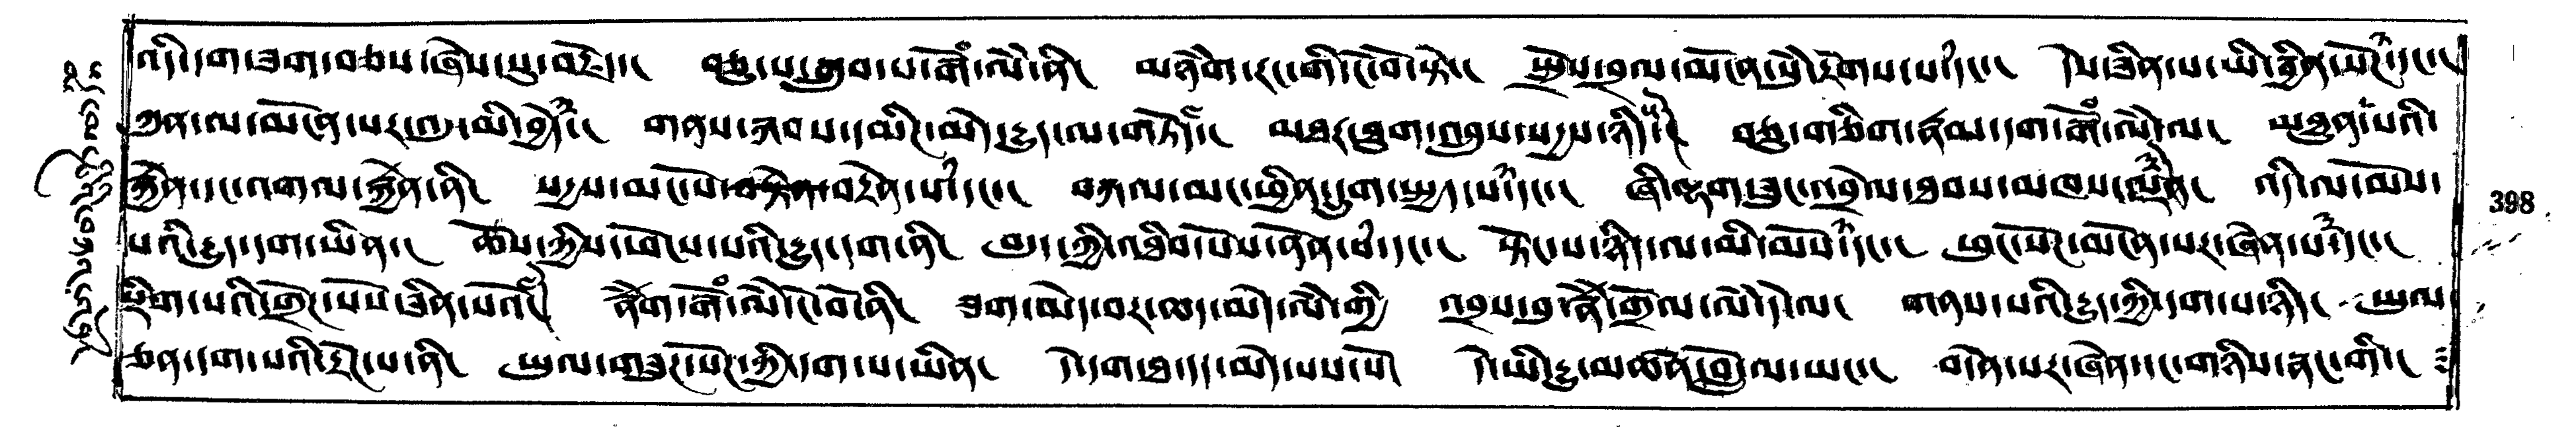འདི་དག་ཟག་བཅས་ཞེས་སུ་བརྗོད། །བཅུ་པ་སྒྲུབ་པ་སྒོམ་ལམ་ནི། །མཉམ་བཞག་རང་གི་ངོ་བོ་སྟེ། །སྤྲོས་བྲལ་མངོན་སུམ་རྟོགས་པ་དང་། །དེས་ཟིན་པ་ཡི་སྦྱིན་སོགས་དང་། །
ཀུན་ལ་མངོན་པར་འདུ་མི་བྱེད། །གནས་སྐབས་དམིགས་མེད་རྒྱུད་ལ་གཏོད། །མཐར་ཐུག་འབྲས་བུ་སངས་རྒྱས་ཉིད། །བཅུ་གཅིག་རྣམ་དག་སྒོམ་ལམ་ལ། །མཐུན་པའི་
རྐྱེན་དང་འགལ་རྐྱེན་ནི། །སངས་རྒྱས་མང་པོ་བསྟེན་པ་དང་། །བསྐལ་མང་ཕྱིན་དྲུག་སྤྱད་པ་དང་། །ཞི་ལྷག་ཟུང་འབྲེལ་ཐབས་མཁས་ལྡན། །འདི་ལ་མོས་
པའི་རྒྱུ་དག་ཡིན། །ཆོས་ཀྱིས་ཕོངས་པའི་རྒྱུ་དག་ནི། །བདུད་ཀྱི་འཐིབ་པོས་ནོན་པ་དང་། །སྟོང་པ་ཉིད་ལ་མི་མོས་དང་། །ཕུང་སོགས་མངོན་པར་ཞེན་པ་དང་། །
སྡིག་པའི་གྲོགས་པོས་ཟིན་པའོ། །རྣམ་དག་སྒོམ་ལམ་ངོ་བོ་ནི། །ཟག་མེད་བར་ཆད་མེད་ལམ་གྱི། །འབྲས་བུ་རྣམ་གྲོལ་ལམ་དེ་ལ། །གནས་པའི་རྒྱུད་ཀྱི་དག་པ་ཉིད། །ཡུལ་
ཅན་དག་པའི་རྟོགས་པ་ནི། །ཡུལ་གཟུགས་སོགས་ཀྱི་དག་པ་ཡིན། །དེ་དག་ཐ་དད་མེད་པས་སོ། །དེ་ཡི་རྒྱུ་མཚན་བློ་ལ་ཡང་། །བདེན་པར་ཞེན་དང་གཉིས་སྣང་གི།